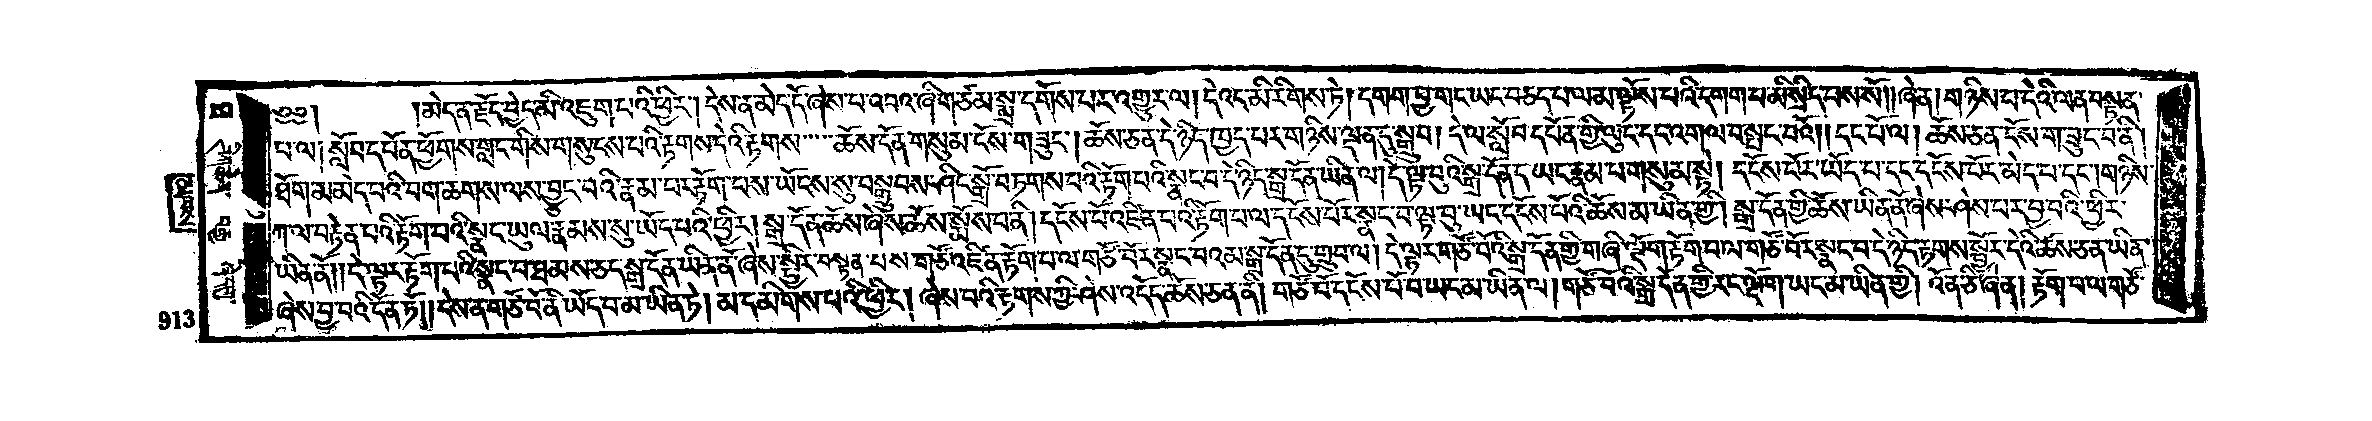༄༅། །མེད་ན་རྗོད་བྱེད་མི་འཇུག་པའི་ཕྱིར། དེས་ན་མེད་དོ་ཞེས་པ་འབའ་ཞིག་ཙམ་སྨྲ་དགོས་པར་འགྱུར་ལ། དེའང་མི་རིགས་ཏེ། དགག་བྱ་གནག་ཡང་བཅད་པ་ལ་མ་ལྟོས་པའི་དགག་པ་མི་སྲིད་པས་སོ། །ཞེ་ན། གཉིས་པ་དེའི་ལན་བསྟན་
པ་ལ། སློབ་དཔོན་ཕྱོགས་གླང་གིས་གསུངས་པའི་རྟགས་དེའི་རྟགས་ཆོས་དོན་གསུམ་ངོས་གཟུང་། ཆོས་ཅན་དེ་ཉིད་ཁྱད་པར་གཉིས་ལྡན་དུ་སྒྲུབ། དེ་ལ་སློབ་དཔོན་གྱི་ལུང་དང་འགལ་བ་སྤང་བའོ། །དང་པོ་ལ། ཆོས་ཅན་ངོས་གཟུང་བ་ནི།
ཐོག་མ་མེད་པའི་བག་ཆགས་ལས་བྱུང་བའི་རྣམ་པར་རྟོག་པས་ཡོངས་སུ་བསྒྲུབས་ཤིང་སྒྲོ་བཏགས་པའི་རྟོག་པའི་སྣང་བ་དེ་ཉིད་སྒྲ་དོན་ཡིན་ལ། དེ་ལྟ་བུའི་སྒྲ་དོན་ད་ཡང་རྣམ་པ་གསུམ་སྟེ། དངོས་པོར་ཡོད་པ་དང་། དངོས་པོར་མེད་པ་དང་། གཉིས་
ཀ་ལ་བརྟེན་པའི་རྟོག་པའི་སྣང་ཡུལ་རྣམས་སུ་ཡོད་པའི་ཕྱིར། སྒྲ་དོན་ཆོས་ཞེས་ཆོས་སྨོས་པ་ནི། དངོས་པོ་འཛིན་པའི་རྟོག་པ་ལ་དངོས་པོ་སྣང་བ་ལྟ་བུ་ཡང་དངོས་པོའི་ཆོས་མ་ཡིན་གྱི། སྒྲ་དོན་གྱི་ཆོས་ཡིན་ནོ་ཞེས་ཤེས་པར་བྱ་བའི་ཕྱིར་
ཡིན་ནོ། །དེ་ལྟར་རྟོག་པའི་སྣང་བ་ཐམས་ཅད་སྒྲ་དོན་ཡིན་ནོ་ཞེས་སྤྱིར་བསྟན་པས་གཙོ་འཛིན་རྟོག་པ་ལ་གཙོ་བོར་སྣང་བའམ་སྒྲ་དོན་དུ་གྲུབ་ལ། དེ་ལྟར་གཙོ་བོའི་སྒྲ་དོན་གྱི་གཞི་ལྡོག་རྟོག་པ་གཙོ་བོར་སྣང་བ་དེ་ཉིད་རྟགས་སྦྱོར་དེའི་ཆོས་ཅན་ཡིན་
ཞེས་བྱ་བའི་དོན་ཏོ། །དེས་ན་གཙོ་བོ་ནི་ཡོད་པ་མ་ཡིན་ཏེ། མ་དམིགས་པའི་ཕྱིར། ཞེས་པའི་རྟགས་ཀྱི་ཤེས་འདོད་ཆོས་ཅན་ནི། གཙོ་བོ་དངོས་པོ་བ་ཡང་མ་ཡིན་ལ། གཙོ་བོའི་སྒྲ་དོན་གྱི་རང་ལྡོག་ཡང་མ་ཡིན་གྱི། འོ་ན་ཅི་ཞེ་ན། རྟོག་པ་ལ་གཙོ་